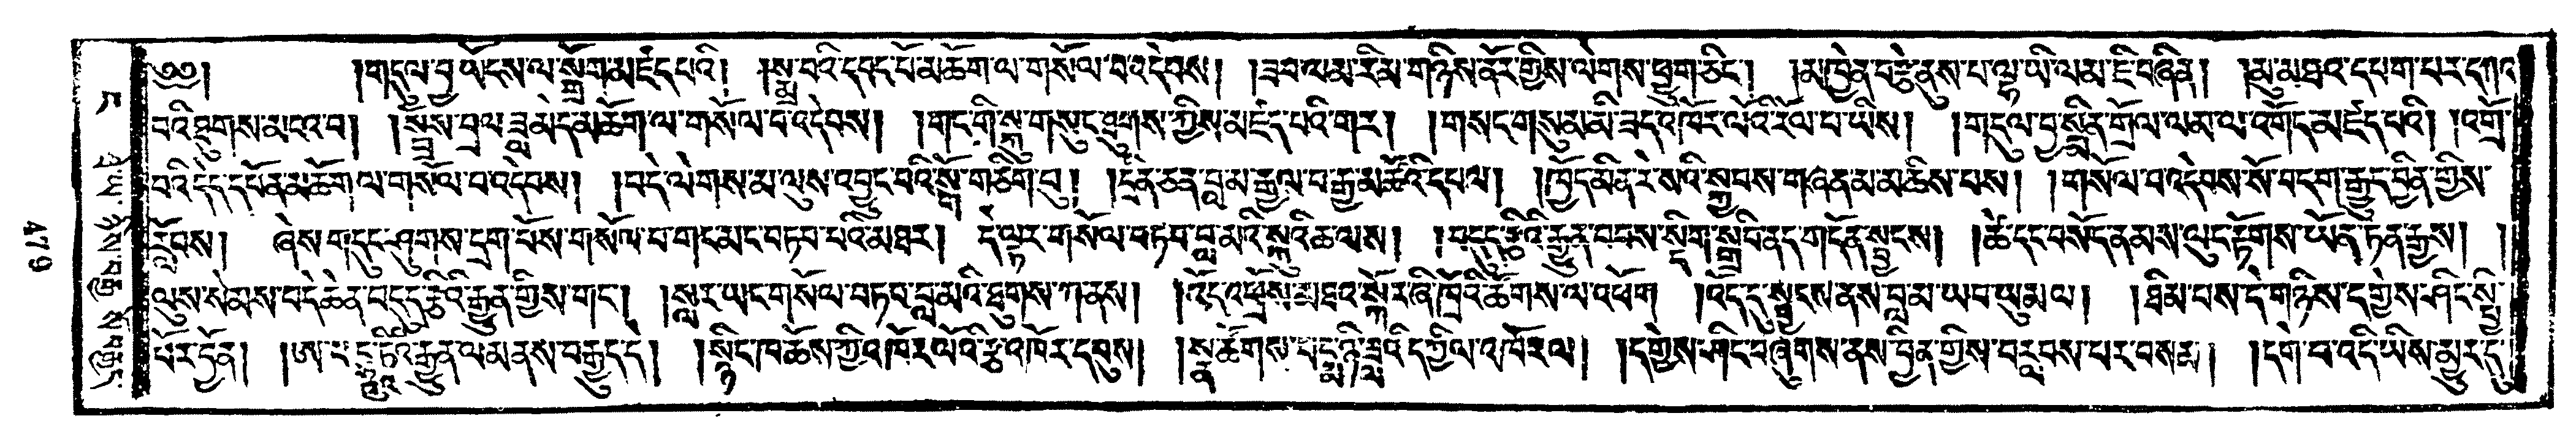༄༅། །གདུལ་བྱ་ཡོངས་ལ་སྒྲོག་མཛད་པའི། །སྨྲ་བའི་དབང་པོ་མཆོག་ལ་གསོལ་བ་འདེབས། །ཟབ་ལམ་རིམ་གཉིས་ནོར་གྱིས་ལེགས་ཕྱུག་ཅིང་། །མཁྱེན་བརྩེ་ནུས་པ་ལྷ་ཡི་ལམ་ཇི་བཞིན། །མུ་མཐའ་དཔག་པར་དཀའ་
བའི་ཐུགས་མངའ་བ། །སྤྲོས་བྲལ་ཟླ་མེད་མཆོག་ལ་གསོལ་བ་འདེབས། །གང་གི་སྐུ་གསུང་ཐུགས་ཀྱིས་མཛད་པའི་གར། །གསང་གསུམ་མི་ཟད་འཁོར་ལོའི་རོལ་པ་ཡིས། །གདུལ་བྱ་སྨིན་གྲོལ་ལམ་ལ་འགོད་མཛད་པའི། ། འགྲོ་
བའི་དེད་དཔོན་མཆོག་ལ་གསོལ་བ་འདེབས། །བདེ་ལེགས་མ་ལུས་འབྱུང་བའི་སྒོ་གཅིག་བུ། །དྲིན་ཅན་བླ་མ་རྒྱལ་བ་རྒྱ་མཚོའི་དཔལ། །ཁྱོད་མིན་རེ་སའི་སྐྱབས་གཞན་མ་མཆིས་པས། །གསོལ་བ་འདེབས་སོ་བདག་རྒྱུད་བྱིན་གྱིས་
རློབས། ཞེས་གདུང་ཤུགས་དྲག་པོས་གསོལ་བ་གང་མང་བཏབ་པའི་མཐར། དེ་ལྟར་གསོལ་བཏབ་བླ་མའི་སྐུའི་ཆ་ལས། །བདུད་རྩིའི་རྒྱུན་བབས་སྡིག་སྒྲིབ་ནད་གདོན་སྦྱངས། །ཚེ་དང་བསོད་ནམས་ལུང་རྟོགས་ཡོན་ཏན་རྒྱས། །
ལུས་སེམས་བདེ་ཆེན་བདུད་རྩིའི་རྒྱུན་གྱིས་གང་། །སླར་ཡང་གསོལ་བཏབ་བླ་མའི་ཐུགས་ཀ་ནས། །འོད་འཕྲོས་མཐའ་སྐོར་ཞི་ཁྲོའི་ཚོགས་ལ་འཕོག །འོད་དུ་སྦྱངས་ནས་བླ་མ་ཡབ་ཡུམ་ལ། །ཐིམ་པས་དེ་གཉིས་དགྱེས་ཤིང་སྤྱི་
པོར་བྱོན། །ཨ་པ་དྷཱུ་ཏིའི་རྒྱུན་ལམ་ནས་བརྒྱུད་དེ། །སྙིང་ཁ་ཆོས་ཀྱི་འཁོར་ལོའི་རྩ་འཁོར་དབུས། །སྣ་ཚོགས་པདམ་ཉི་ཟླའི་དཀྱིལ་འཁོར་ལ། །དགྱེས་ཤིང་བཞུགས་ནས་གྱིས་བརླབས་པར་བསམ། །དགེ་བ་འདི་ཡིས་མྱུར་དུ་